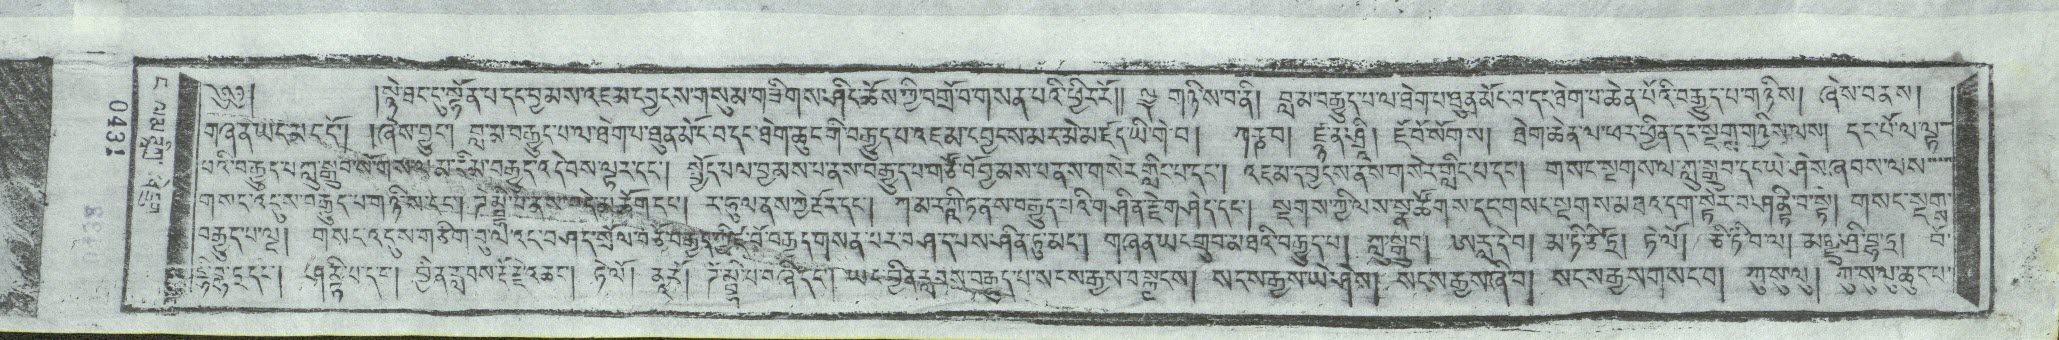༄༅། །སྙེ་ཐང་དུ་སྟོན་པ་དང་བྱམས་འཇམ་དབྱངས་གསུམ་གཟིགས་ཤིང་ཆོས་ཀྱི་བགྲོ་བ་གསན་པའི་ཕྱིར་རོ།། ༈ གཉིས་བ་ནི། བླ་མ་བརྒྱུད་པ་ལ་ཐེག་པ་ཐུན་མོང་བ་དང་ཐེག་པ་ཆེན་པོའི་བརྒྱུད་པ་གཉིས། ཞེས་བ་ནས།
གཞན་ཡང་མང་དོ། །ཞེས་བྱུང་། བླ་མ་བརྒྱུད་པ་ལ་ཐེག་པ་ཐུན་མོང་བ་དང་ཐེག་ཆུང་གི་བརྒྱུད་པ་འཇམ་དབྱངས་མར་མེ་མཛད་ཡི་གེ་བ། ཀརྞ་བ། ཛྙ་ན་ཤྲཱི། ཇོ་བོ་སོགས། ཐེག་ཆེན་ལ་ཕར་ཕྱིན་དང་སྔགས་གཉིས་ལས། དང་པོ་ལ་ལྟ་
པའི་བརྒྱུད་པ་ཀླུ་སྒྲུབ་སོགས་ལམ་རིམ་བརྒྱུད་འདེབས་ལྟར་དང་། སྤྱོད་པ་ལ་བྱམས་པ་ནས་བརྒྱུད་པ་གཙོ་བོ་བྱམས་?་ནས་གསར་གླིང་པ་དང་། འཇམ་དབྱངས་ནས་གསེར་གླིང་པ་དང་། གསང་སྔགས་ལ་ཀླུ་སྒྲུབ་དང་ཡེ་ཤེས་ཞབས་ལས་
གསང་འདུས་བརྒྱུད་པ་གཉིས་དང་། ཌོམྦྷི་པ་ནས་བདེ་མཆོག་དང་། ར་ཧུ་ལ་ནས་ཀྱེ་རྡོར་དང་། ཀམརྒྷི་ཏ་ནས་བརྒྱུད་པའི་གཤིན་རྗེ་གཤེད་དང་། སྔགས་ཀྱི་ལས་སྣ་ཚོགས་དང་གསང་སྡགས་མབ་དག་སྟེར་བ་ཤན་ཏི་བ་སྟེ། གསང་སྡགས་
བརྒྱུད་པ་ལྔ། གསང་འདུས་གཅིག་བུ་ལའང་བཤད་གྲོལ་བཅོ་བརྒྱད་ཀྱི་ཛ་བོ་བརྒྱད་གསན་པར་བཤད་པས་ཤིན་ཏུ་མང་། གཞན་ཡང་གྲུབ་མཐའི་བརྒྱུད་པ། ཀླུ་སྒྲུང་། ཨརླ་དེ་བ། མ་ཏི་ཙི་ཏྲ། ཏེ་ལོ། ཅི་ཏི་བ་ལ། མཉྫུ་ཤྲི་བྷ་ཏྲ། བོ་
དྷི་བྷ་ཏྲ་དང་། ཤནྟི་པ་དང་། བྱིན་རླབས་རྡོ་རྗེ་འཆང་། ཏེ་ལོ། ནཱ་རོ། ཌོམྦྷི་པ་བཞི་དང་། ཡང་བྱིན་རླབས་བརྒྱུད་པ་སངས་རྒྱས་བསྐྱངས། སངས་རྒྱས་ཡེ་ཤེས། སངས་རྒྱས་ཞིབ། སངས་རྒྱས་གསང་བ། ཀུ་སུ་ལུ། ཀུ་སུ་ལུ་ཆུང་པ་